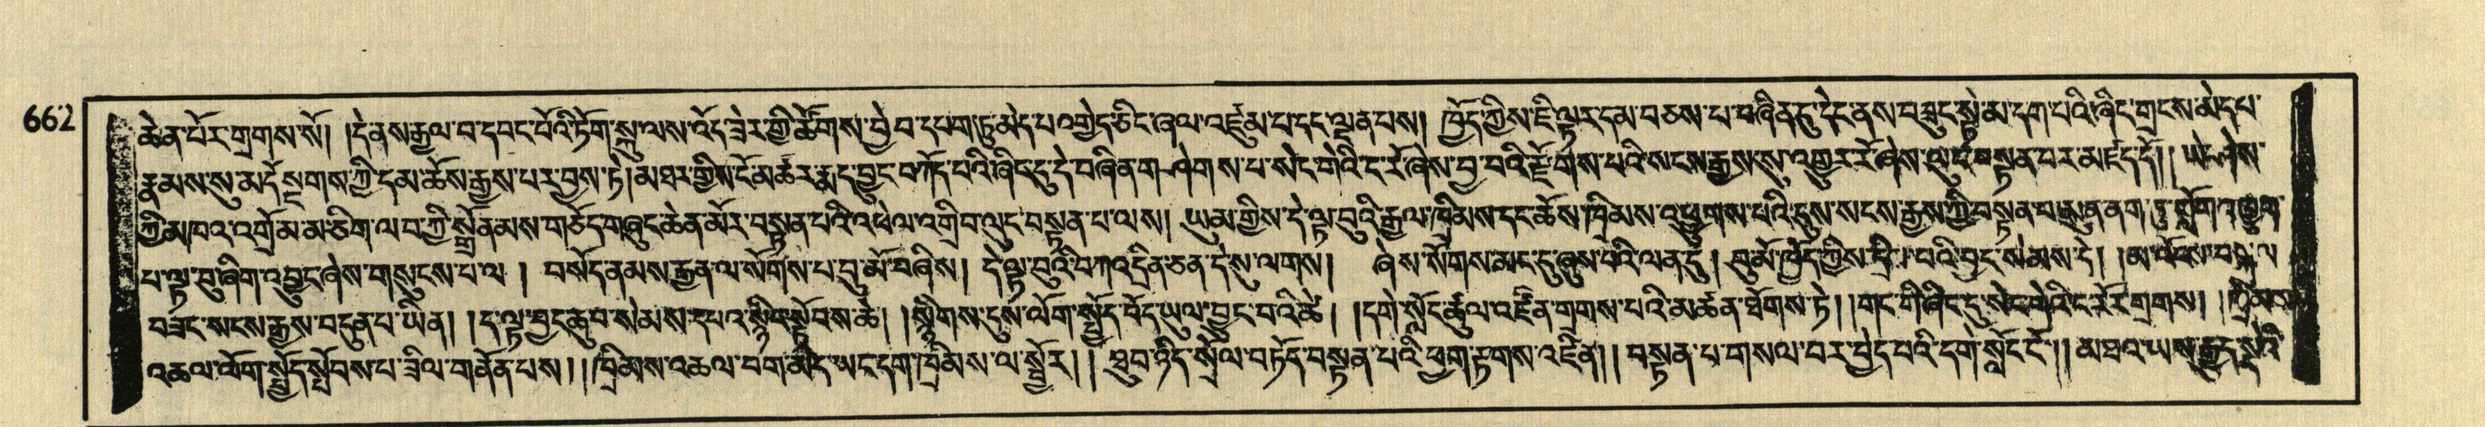ཆེན་པོར་གྲགས་སོ། །དེ་ནས་རྒྱལ་བ་དབང་པོའི་ཏོག་སྐུ་ལས་འོད་ཟེར་གྱི་ཚོགས་བྱེ་བ་དཔག་ཏུ་མེད་པ་འགྱེད་ཅིང་ཞལ་འཛུམ་པ་དང་ལྡན་པས། ཁྱོད་ཀྱིས་ཇི་ལྟར་དམ་བཅས་པ་བཞིན་དུ་དེང་ནས་བཟུང་སྟེ་མ་དག་པའི་ཞིང་གྲངས་མེད་པ་
རྣམས་སུ་མདོ་སྔགས་ཀྱི་དམ་ཆོས་རྒྱས་པར་བྱས་ཏེ། མཐར་གྱིས་ངོ་མཚར་རྨད་བྱུང་བཀོད་པའི་ཞིང་དུ་དེ་བཞིན་གཤེགས་པ་སེང་གེའི་ང་རོ་ཞེས་བྱ་བའི་རྫོགས་པའི་སངས་རྒྱས་སུ་འགྱུར་རོ་ཞེས་ལུང་བསྟན་པར་མཛད་དོ། །ཡེ་ཤེས་
ཀྱི་མཁའ་འགྲོ་མ་མ་ཅིག་ལབ་ཀྱི་སྒྲོན་མས་གཅོད་གཞུང་ཆེན་མོར་བསྟན་པའི་འཕེལ་འགྲིབ་ལུང་བསྟན་པ་ལས། ཡུམ་གྱིས་དེ་ལྟ་བུའི་རྒྱལ་ཁྲིམས་དང་ཆོས་ཁྲིམས་འཕྱུགས་པའི་དུས་སངས་རྒྱས་ཀྱི་བསྟན་པ་མུན་ནག་ཏུ་གློག་འཁྱུག་
པ་ལྟ་བུ་ཞིག་འབྱུང་ཞེས་གསུངས་པ་ལ། བསོད་ནམས་རྒྱན་ལ་སོགས་པ་བུ་མོ་བཞིས། དེ་ལྟ་བུའི་བཀའ་དྲིན་ཅན་དེ་སུ་ལགས། ཞེས་སོགས་མང་དུ་ཞུས་པའི་ལན་དུ། བུ་མོ་ཁྱོད་ཀྱིས་དྲིས་པའི་བྱང་སེམས་དེ། །མ་འོངས་བསྐལ་
བཟང་སངས་རྒྱས་བདུན་པ་ཡིན། །ད་ལྟ་བྱང་ཆུབ་སེམས་དཔའ་སྙིང་སྟོབས་ཆེ། །སྙིགས་དུས་ལོག་སྤྱོད་བོད་ཡུལ་བྱུང་བའི་ཚེ། །དགེ་སློང་ཚུལ་འཛིན་གྲགས་པའི་མཚན་ཐོགས་ཏེ། །གང་གི་ཞིང་དུ་སེང་གེའི་ང་རོར་གྲགས། །ཁྲིམས་
འཆལ་ལོག་སྤྱོད་སྤོབས་པ་ཟིལ་གནོན་པས། །ཁྲིམས་འཆལ་བག་མེད་ཡང་དག་ཁྲིམས་ལ་སྦྱོར། །ཐུབ་ཉིད་སྲོལ་བཏོད་བསྟན་པའི་ཕྱག་རྟགས་འཛིན། །བསྟན་པ་གསལ་བར་བྱེད་པའི་དགེ་སློང་ངོ། །མཐའ་ཡས་རྒྱུད་སྡེའི་